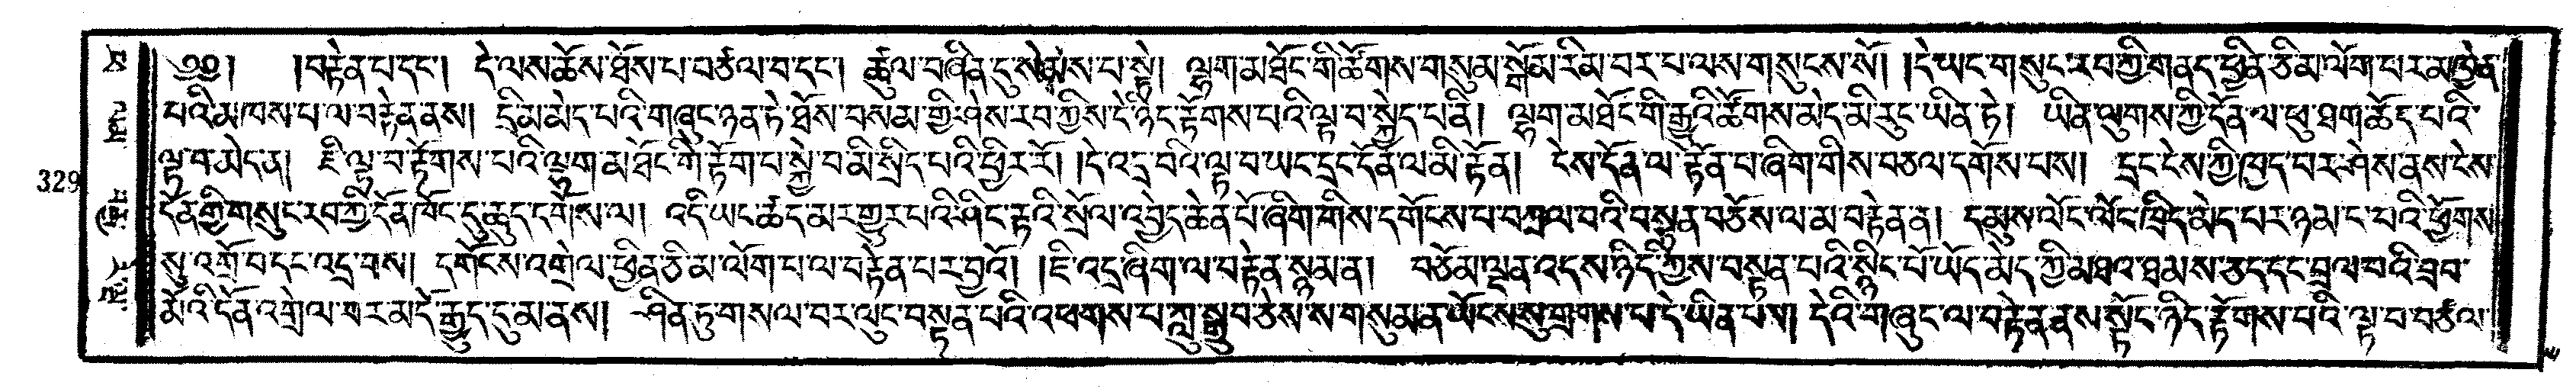༄༅། །བརྟེན་པ་དང་། དེ་ལས་ཆོས་ཐོས་པ་བཙལ་བ་དང་། ཚུལ་བཞིན་དུ་སེམས་པ་སྟེ། ལྷག་མཐོང་གི་ཚོགས་གསུམ་སྒོམ་རིམ་བར་པ་ལས་གསུངས་སོ། །དེ་ཡང་གསུང་རབ་ཀྱི་གནད་ཕྱིན་ཅི་མ་ལོག་པར་མཁྱེན་
པའི་མཁས་པ་ལ་བརྟེན་ནས། དྲི་མ་མེད་པའི་གཞུང་ཉན་ཏེ་ཐོས་བསམ་གྱི་ཤེས་རབ་ཀྱིས་དེ་ཉིད་རྟོགས་པའི་ལྟ་བ་སྐྱེད་པ་ནི། ལྷག་མཐོང་གི་རྒྱུའི་ཚོགས་མེད་མི་རུང་ཡིན་ཏེ། ཡིན་ལུགས་ཀྱི་དོན་ལ་ཕུ་ཐག་ཆོད་པའི་
ལྟ་བ་མེད་ན། ཇི་ལྟ་བ་རྟོགས་པའི་ལྷག་མཐོང་གི་རྟོག་པ་སྐྱེ་བ་མི་སྲིད་པའི་ཕྱིར་རོ། །དེ་འདྲ་བའི་ལྟ་བ་ཡང་དྲང་དོན་ལ་མི་རྟོན། ངེས་དོན་ལ་རྟོན་པ་ཞིག་གིས་བཅལ་དགོས་པས། དྲང་ངེས་ཀྱི་ཁྱད་བར་ཤེས་ནས་ངེས་
དོན་གྱི་གསུང་རབ་ཀྱི་དོན་ཁོང་དུ་ཆུད་དགོས་ལ། འདི་ཡང་ཚད་མར་གྱུར་པའི་ཤིང་རྟའི་སྲོལ་འབྱེད་ཆེན་པོ་ཞིག་གིས་དགོངས་པ་བཀྲལ་བའི་བསྟན་བཅོས་ལ་མ་བརྟེན་ན། དམུས་ལོང་ལོང་ཁྲིད་མེད་པར་ཉམ་པ་པའི་ཕྱོགས་
སུ་འགྲོ་བ་དང་འདྲ་བས། དགོངས་འགྲེལ་ཕྱིན་ཅི་མ་ལོག་པ་ལ་བརྟེན་པར་བྱའོ། །ཇི་འདྲ་ཞིག་ལ་བརྟེན་སྙམ་ན། བཅོམ་ལྡན་འདས་ཉིད་ཀྱིས་བསྟན་པའི་སྙིང་པོ་ཡོད་མེད་ཀྱི་མཐའ་ཐམས་ཅད་དང་བྲལ་བའི་ཟབ་
མོའི་དོན་འགྲེལ་བར་མདོ་རྒྱུད་དུ་མ་ནས། ཤིན་ཏུ་གསལ་བར་ལུང་བསྟན་པའི་འཕགས་པ་ཀླུ་སྒྲུབ་ཅེས་ས་གསུམ་ན་ཡོངས་སུ་གྲགས་པ་དེ་ཡིན་པས། དེའི་གཞུང་ལ་བརྟེན་ནས་སྟོང་ཉིད་རྟོགས་པའི་ལྟ་བ་བཙལ་